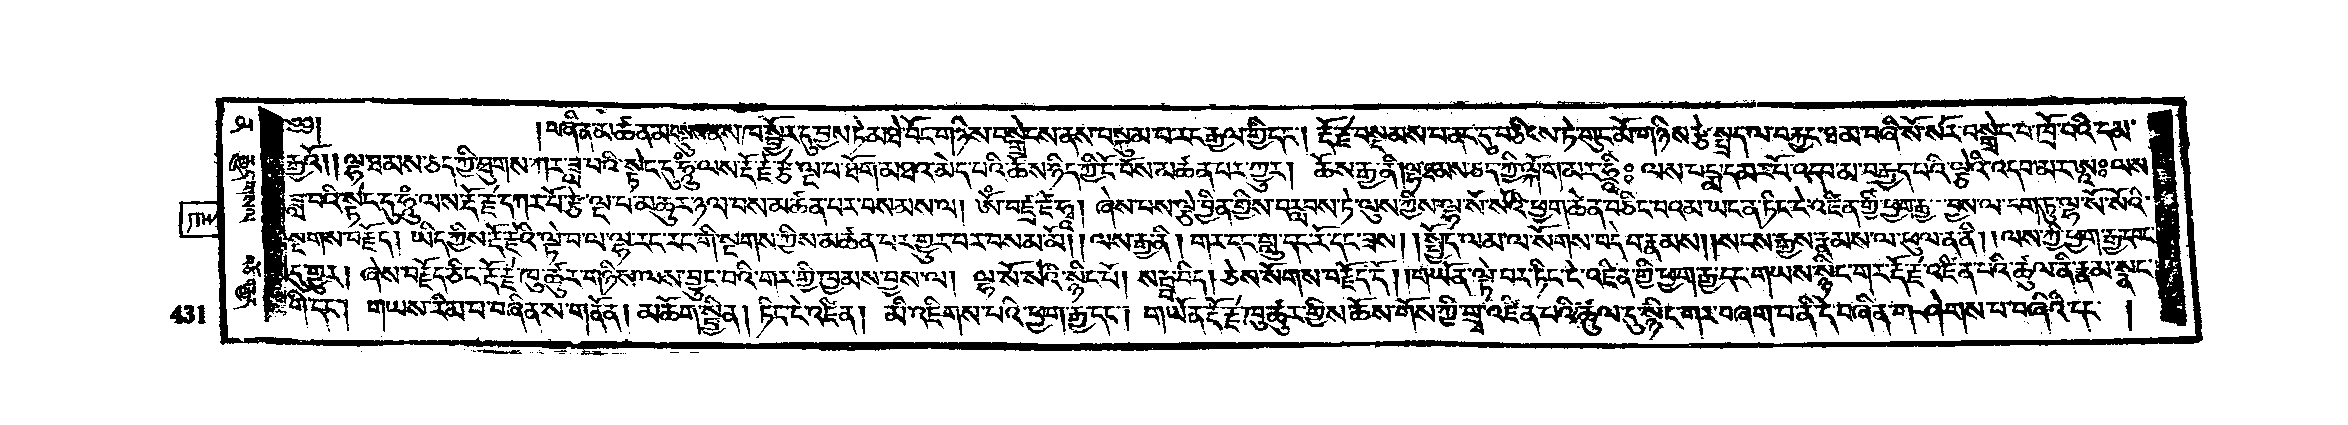༄༅། །བཞིན་མཚན་མ་བསྡུས་ནས་ཁ་སྦྱོར་དུ་བྱས་ཏེ་མཐེ་བོང་གཉིས་བསྒྲེངས་ནས་བསྐུམ་པ་རང་རྒྱལ་གྱི་དང་། རྡོ་རྗེ་བསྡམས་པ་ནང་དུ་བཅིངས་ཏེ་གུང་མོ་གཉིས་རྩེ་སྤྲད་ལ་བརྐྱང་ཐ་མ་བཞི་སོ་སོར་བསྒྲེང་བ་ཁྲོ་བའི་དམ་
རྒྱའོ། །ལྷ་ཐམས་ཅད་ཀྱི་ཐུགས་ཀར་ཟླ་བའི་སྟེང་དུ་ཧཱུཾ་ལས་རྡོ་རྗེ་རྩེ་ལྔ་པ་ཐོག་མཐའ་མེད་པའི་ཆོས་ཉིད་ཀྱི་ངོ་བོས་མཚན་པར་གྱུར། ཆོས་རྒྱ་ནི། ལྷ་ཐམས་ཅད་ཀྱི་ལྐོག་མར་ཧྲཱིཿ ལས་པདམ་དམར་པོ་འདབ་མ་བརྒྱད་པའི་ལྕེའི་འདབ་མར་ཨཱཿ ལས་
ཟླ་བའི་སྟེང་དུ་ཧཱུཾ་ལས་རྡོ་རྗེ་དཀར་པོ་རྩེ་ལྔ་པ་མཚུར་ཉལ་བས་མཚན་པར་བསམས་ལ། ཨོཾ་བཛྲ་ཛི་ཧཱ། ཞེས་པས་ལྕེ་བྱིན་གྱིས་བརླབས་ཏེ་ལུས་ཀྱིས་ལྷ་སོ་སོའི་ཕྱག་ཆེན་བཅིང་བའམ་ཡང་ན་ཏིང་ངེ་འཛིན་གྱི་ཕྱག་རྒྱ་བྱས་ལ་ངག་ཏུ་ལྷ་སོ་སོའི་
སྔགས་བརྗོད། ཡིད་ཀྱིས་རྡོ་རྗེའི་ལྟེ་བ་ལ་ལྷ་རང་རང་གི་སྔགས་ཀྱིས་མཚན་པར་གྱུར་པར་བསམ་མོ། །ལས་རྒྱ་ནི། གར་དང་གླུ་དང་རོ་དང་ཟས། །སྤྱོད་ལམ་ལ་སོགས་བདེ་བ་རྣམས། །སངས་རྒྱས་རྣམས་ལ་ཕུལ་ན་ནི། །ལས་ཀྱི་ཕྱག་རྒྱ་དབང་
དུ་གྱུར། ཞེས་བརྗོད་ཅིང་རྡོ་རྗེ་ཁུ་ཚུར་གཉིས་ལས་བྱུང་བའི་གར་གྱི་ཁྱམས་བྱས་ལ། ལྷ་སོ་སོའི་སྙིང་པོ། སརྦྦ་བིད། ཅེས་སོགས་བརྗོད་དོ། །གཡོན་ལྟེ་བར་ཏིང་ངེ་འཛིན་གྱི་ཕྱག་རྒྱ་དང་གཡས་སྙིང་གར་རྡོ་རྗེ་འཛིན་པའི་ཚུལ་ནི་རྣམ་སྣང་
གི་དང་། གཡས་རིམ་པ་བཞིན་ས་གནོན། མཆོག་སྦྱིན། ཏིང་ངེ་འཛིན། མི་འཇིགས་པའི་ཕྱག་རྒྱ་དང་། གཡོན་རྡོ་རྗེ་ཁུ་ཚུར་གྱིས་ཆོས་གོས་ཀྱི་གྲྭ་འཛིན་པའི་ཚུལ་དུ་སྙིང་གར་བཞག་པ་ནི་དེ་བཞིན་གཤེགས་པ་བཞིའི་དང་།